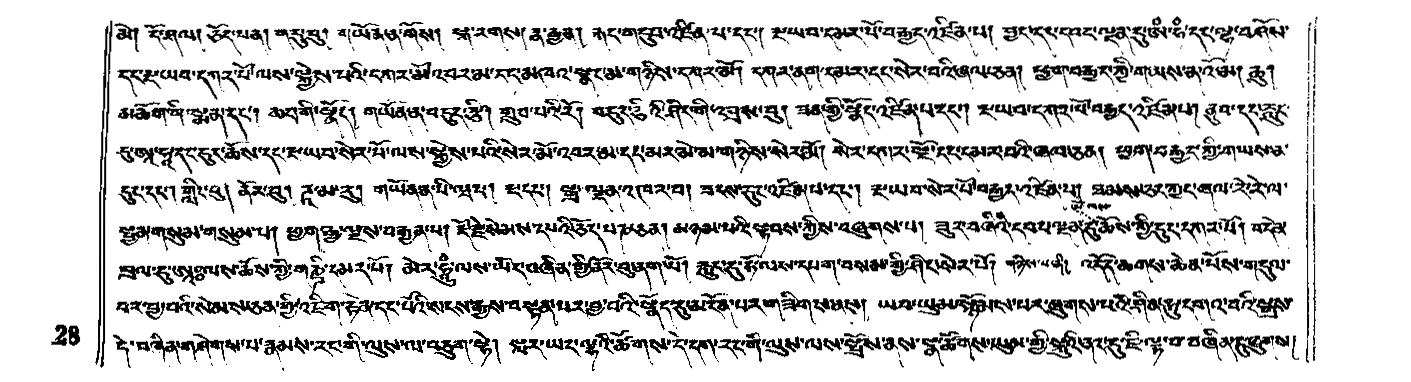མེ། དོ་ཤལ། ཅོད་པན། གདུ་བུ། གཡོན་ན་གོས། སྐ་རགས། རྣ་རྒྱན། རྐང་གདུབ་འཛིན་པ་དང་། རྔ་ཡབ་དམར་པོ་བརྒྱད་འཛིན་པ། བྱང་དང་དབང་ལྡན་དུ་ཨཾ་ཧཾ་དང་ལྷ་བཤོས་
དང་རྔ་ཡབ་དཀར་པོ་ལས་སྐྱེས་པའི་དཀར་མོ་འབར་མ་དང་མཁའ་སྣང་མ་གཉིས་དཀར་མོ། དཀར་ནག་དམར་དང་སེར་བའི་ཞལ་ཅན། ཕྱག་བརྒྱད་ཀྱི་གཡས་ན་འོ་མ། ཆུ།
མཆོག་གི་སྨན་དང་། ཆང་གི་སྣོད། གཡོན་ན་བདུད་རྩི། གྲུབ་པའི་རོ། བདུད་རྩིའི་ཤིང་གི་འབྲས་བུ། ཟན་གྱི་སྣོད་འཛིན་པ་དང་། རྔ་ཡབ་དཀར་པོ་བརྒྱད་འཛིན་པ། ནུབ་དང་རླུང་
དུ་ཨཱ་ཧཱ་དང་དུང་ཆོས་དང་རྔ་ཡབ་སེར་པོ་ལས་སྐྱེས་པའི་སེར་མོ་འབར་མ་དང་མར་མེ་མ་གཉིས་སེར་མོ། སེར་དཀར་སྔོ་དང་དམར་བའི་ཞལ་ཅན། ཕྱག་བརྒྱད་ཀྱི་གཡས་ན་
དུང་དང་། གླིང་བུ། ནོར་བུ། ཌཱ་མ་རུ། གཡོན་ན་པི་ཝང་། ཇ་དང་། སྒྲ་ལྡན་འཁར་བ། ཟངས་དུང་འཛིན་པ་དང་། རྔ་ཡབ་སེར་པོ་བརྒྱད་འཛིན་པ། ཐམས་ཅད་ཀྱང་ཞལ་རེ་རེ་ལ་
སྤྱན་གསུམ་གསུམ་པ། ཕྱག་རྒྱ་ལྔས་བརྒྱན་པ། རྡོ་རྗེ་སེམས་དཔའི་ཅོད་པཎ་ཅན། མཉམ་པའི་སྟབས་ཀྱིས་བཞུགས་པ། ཟུར་བཞིའི་དབང་ལྡན་དུ་ཨོཾ་ལས་ཆོས་ཀྱི་དུང་དཀར་པོ། བདེན་
བྲལ་དུ་ཨཱཿ ལས་ཆོས་ཀྱི་གཎྜི་དམར་པོ། མེར་ཧཱུཾ་ལས་ཡོད་བཞིན་གྱི་ནོར་བུ་ནག་པོ། རླུང་དུ་ཧོ་ལས་དཔག་བསམ་གྱི་ཤིང་སེར་པོ། གཉིས་པ་ནི།  འདོད་ཆགས་ཆེན་པོས་གདུལ་
བར་བྱ་བའི་སེམས་ཅན་གྱི་འཇིག་རྟེན་དང་པོའི་སངས་རྒྱས་བསྟན་པར་བྱ་བའི་སྣོད་དུ་མངོན་པར་གཟིགས་ནས། ཡབ་ཡུམ་སྙོམས་པར་ཞུགས་པའི་ཤིན་ཏུ་དགའ་བའི་སྒྲས་
དེ་བཞིན་གཤེགས་པ་རྣམས་རང་གི་ལུས་ལ་བཅུག་སྟེ། སླར་ཡང་ལྷའི་ཚོགས་དེ་དག་རང་གི་ལུས་ལས་སྤྲོས་ནས་སྣ་ཚོགས་ཡུམ་གྱི་སྐུའི་ནང་དུ་ཇི་ལྟ་བ་བཞིན་དུ་ཞུགས།